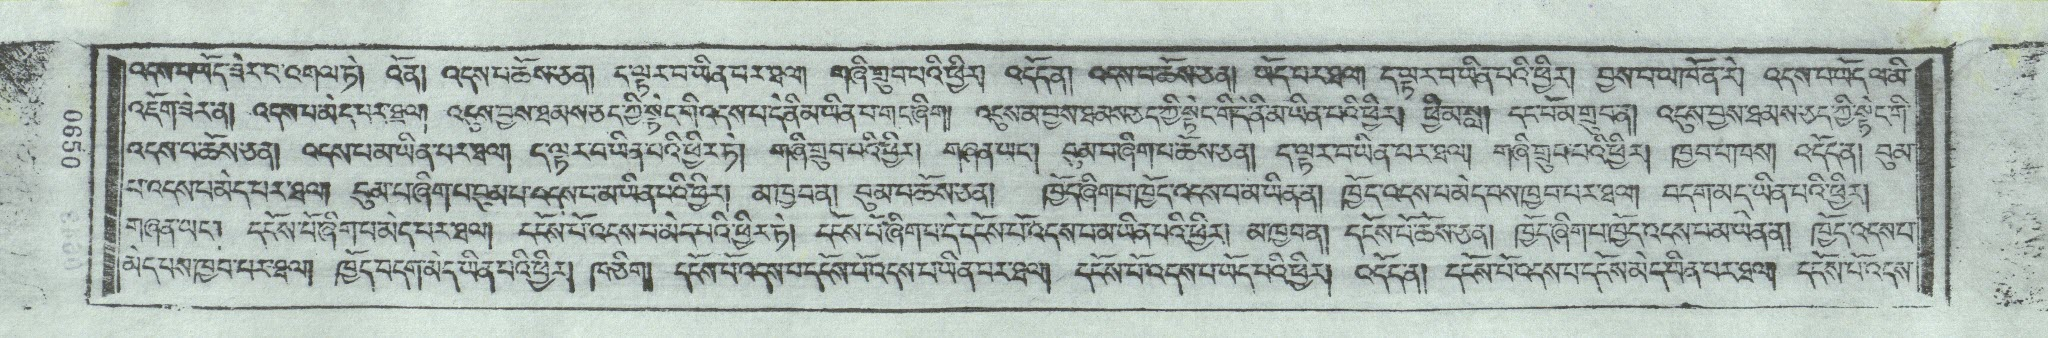འདས་པ་ཡོད་ཟེར་བ་འགལ་ཏེ། འོ་ན། འདས་པ་ཆོས་ཅན། ད་ལྟར་བ་ཡིན་པར་ཐལ། གཞི་གྲུབ་པའི་ཕྱིར། འདོད་ན། འདས་པ་ཆོས་ཅན། ཡོད་པར་ཐལ། ད་ལྟར་བ་ཡིན་པའི་ཕྱིར། བྱས་པ་ལ་ཁོ་ན་རེ། འདས་པ་ཡོད་ལ་མི་
འཇོག་ཟེར་ན། འདས་པ་མེད་པར་ཐལ། འདུས་བྱས་ཐམས་ཅད་ཀྱི་སྟེང་གི་འདས་པ་དེ་ནི་མ་ཡིན་པ་གང་ཞིག། འདུས་མ་བྱས་ཐམས་ཅད་ཀྱི་སྟེང་གི་དེ་ནི་མ་ཡིན་པའི་ཕྱིར། ཕྱི་མ་སླ། དང་པོ་མ་གྲུབ་ན། འདུས་བྱས་ཐམས་ཅད་ཀྱི་སྟེང་གི་
འདས་པ་ཆོས་ཅན། འདས་པ་མ་ཡིན་པར་ཐལ། ད་ལྟར་བ་ཡིན་པའི་ཕྱིར་ཏེ། གཞི་གྲུབ་པའི་ཕྱིར། གཞན་ཡང་། བུམ་པ་ཞིག་པ་ཆོས་ཅན། ད་ལྟར་བ་ཡིན་པར་ཐལ། གཞི་གྲུབ་པའི་ཕྱིར། ཁྱབ་པ་ཁས། འདོད་ན། བུམ་
པ་འདས་པ་མེད་པར་ཐལ། བུམ་པ་ཞིག་པ་བུམ་པ་འདས་པ་མ་ཡིན་པའི་ཕྱིར། མ་ཁྱབ་ན། བུམ་པ་ཆོས་ཅན། ཁྱོད་ཞིག་པ་ཁྱོད་འདས་པ་མ་ཡིན་ན། ཁྱོད་འདས་པ་མེད་པས་ཁྱབ་པར་ཐལ། བདག་མེད་ཡིན་པའི་ཕྱིར།
གཞན་ཡང་། དངོས་པོ་ཞིག་པ་མེད་པར་ཐལ། དངོས་པོ་འདས་པ་མེད་པའི་ཕྱིར་ཏེ། དངོས་པོ་ཞིག་པ་དེ་དངོས་པོ་འདས་པ་མ་ཡིན་པའི་ཕྱིར། མ་ཁྱབ་ན། དངོས་པོ་ཆོས་ཅན། ཁྱོད་ཞིག་པ་ཁྱོད་འདས་པ་མ་ཡིན་ན། ཁྱོད་འདས་པ་
མེད་པས་ཁྱབ་བར་ཐལ། ཁྱོད་བདག་མེད་ཡིན་པའི་ཕྱིར། ཁ་ཅིག། དངོས་པོ་འདས་པ་དངོས་པོ་འདས་པ་ཡིན་པར་ཐལ། དངོས་པོ་འདས་པ་ཡོད་པའི་ཕྱིར། འདོད་ན། དངོས་པོ་འདས་པ་དངོས་མེད་ཡིན་པར་ཐལ། དངོས་པོ་འདས་